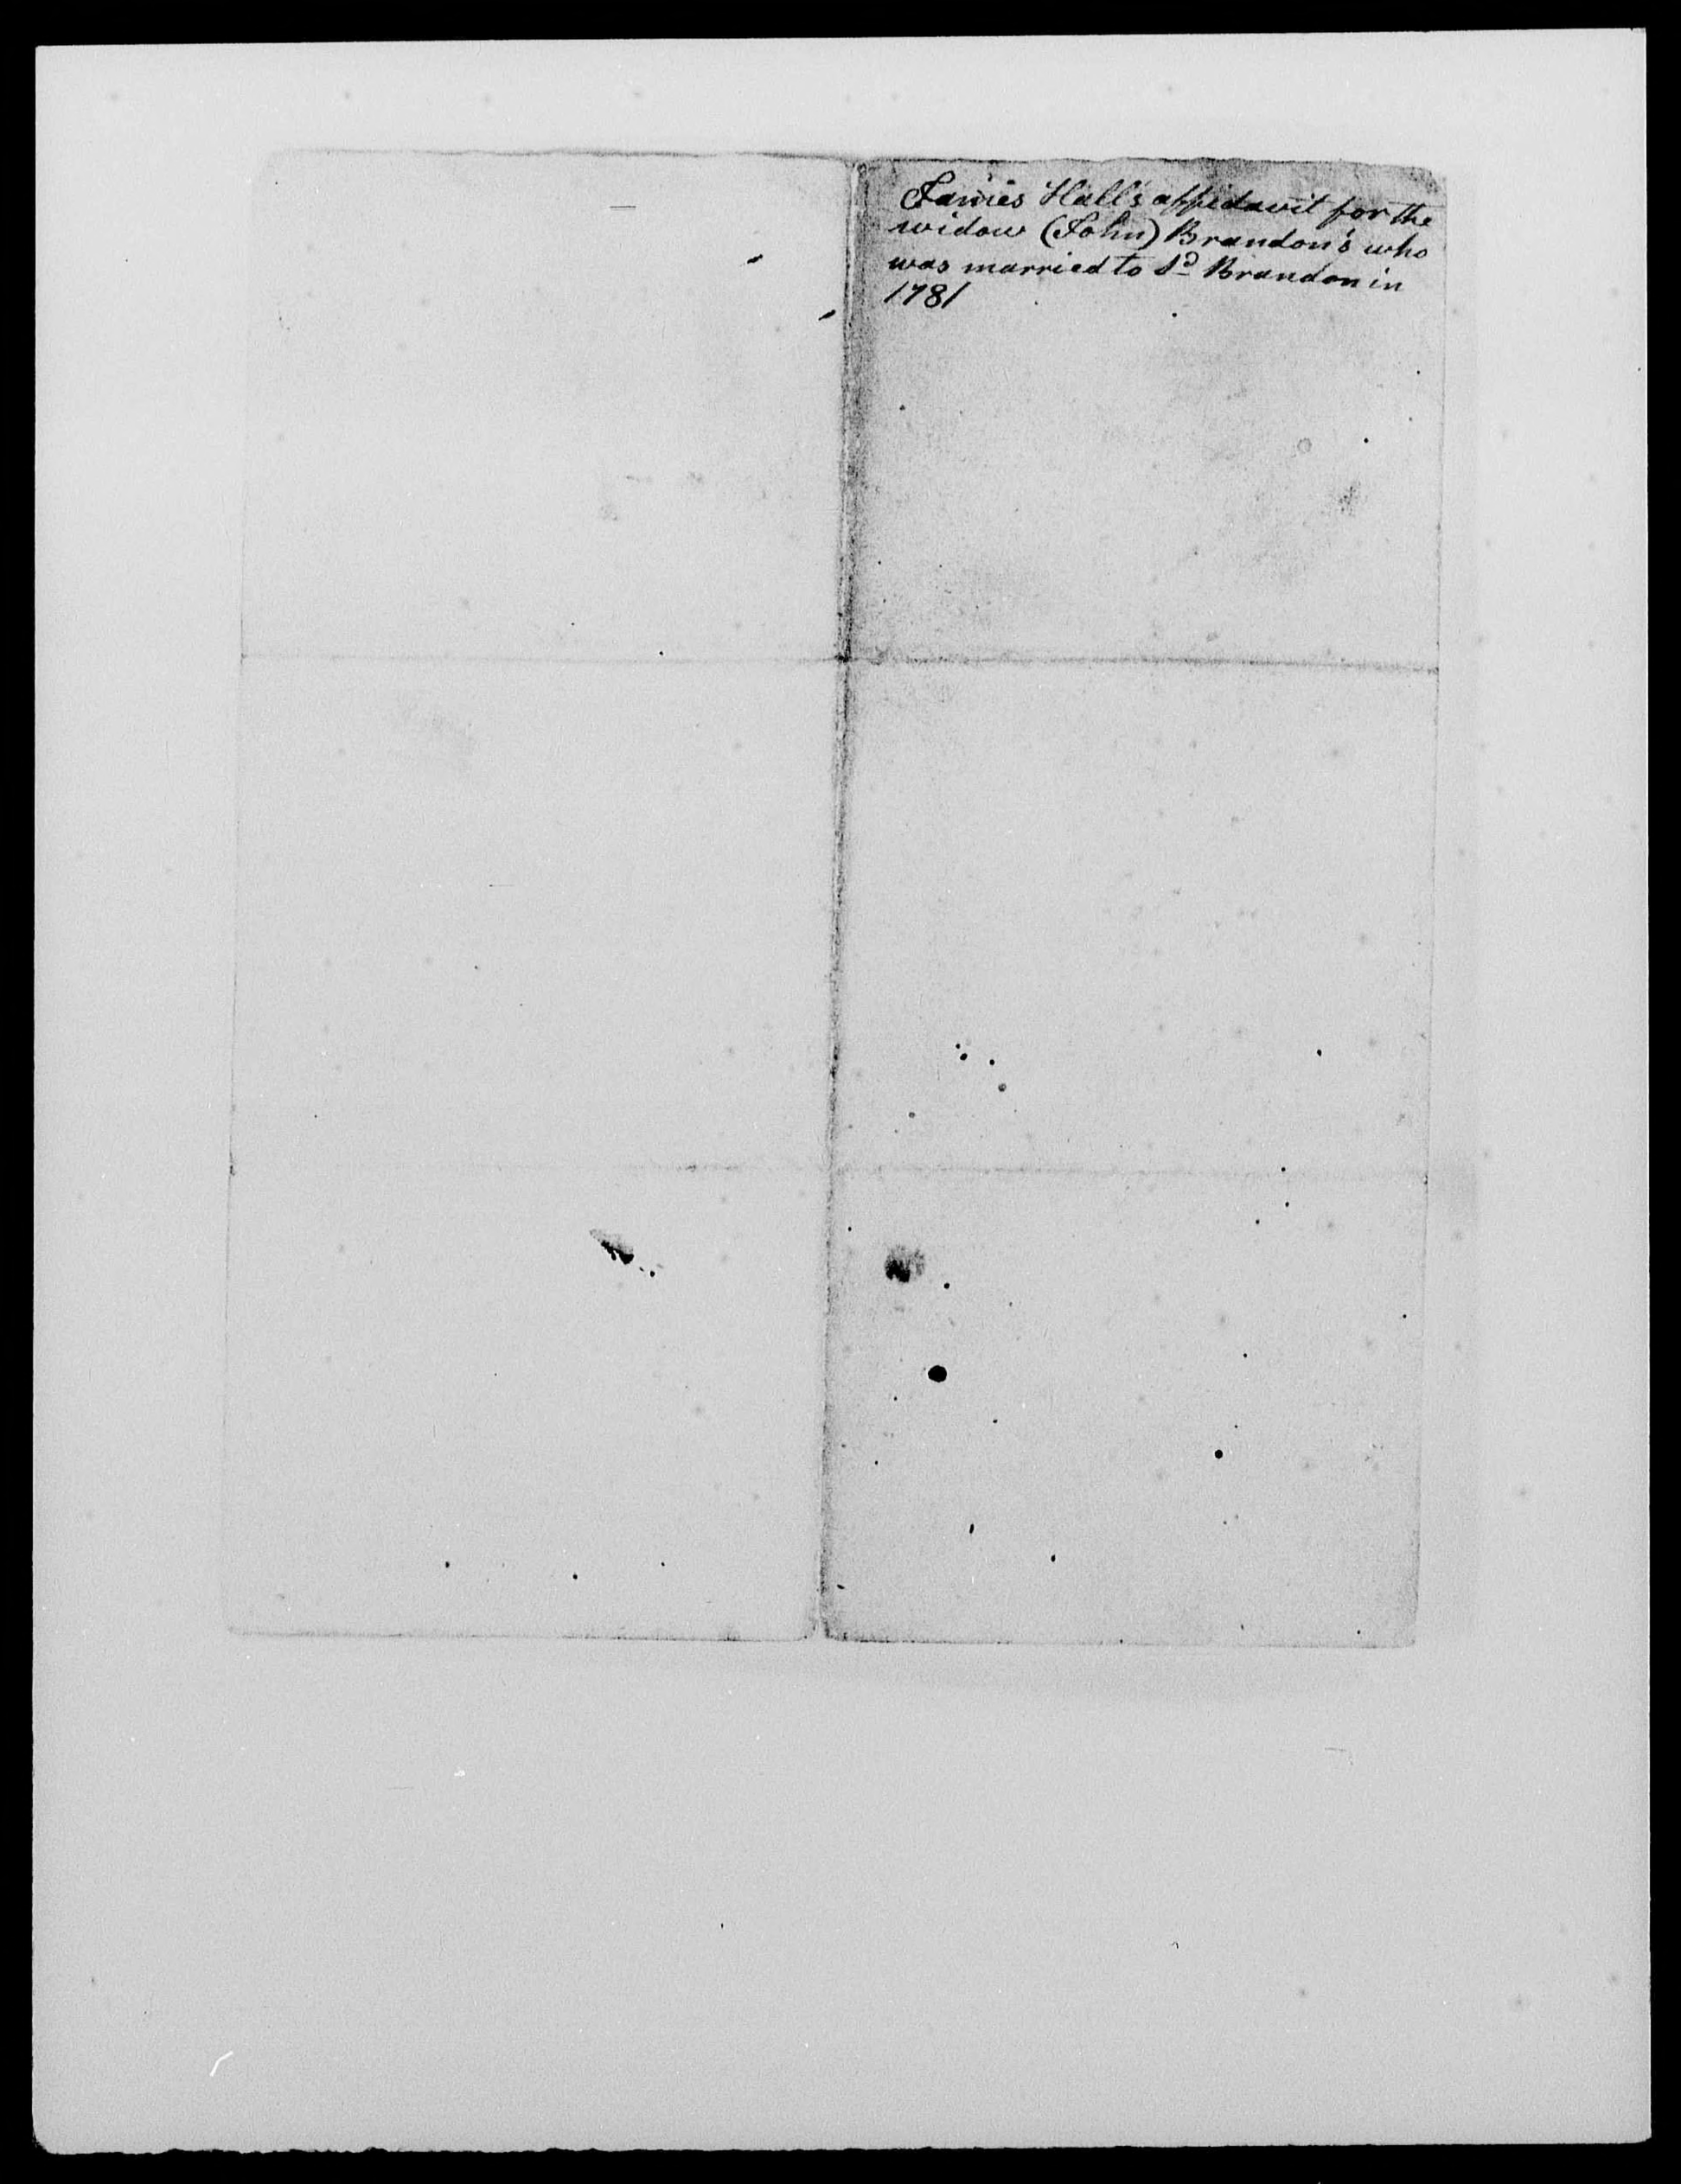Jarvies Hall's affidavit for the widow (John) Brandon's who was married to said Brandon in 1781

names: Jarvies Hall, Brandon, John Brandon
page: 51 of 83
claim: widow's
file: W. 5946, John Brandon, Penn